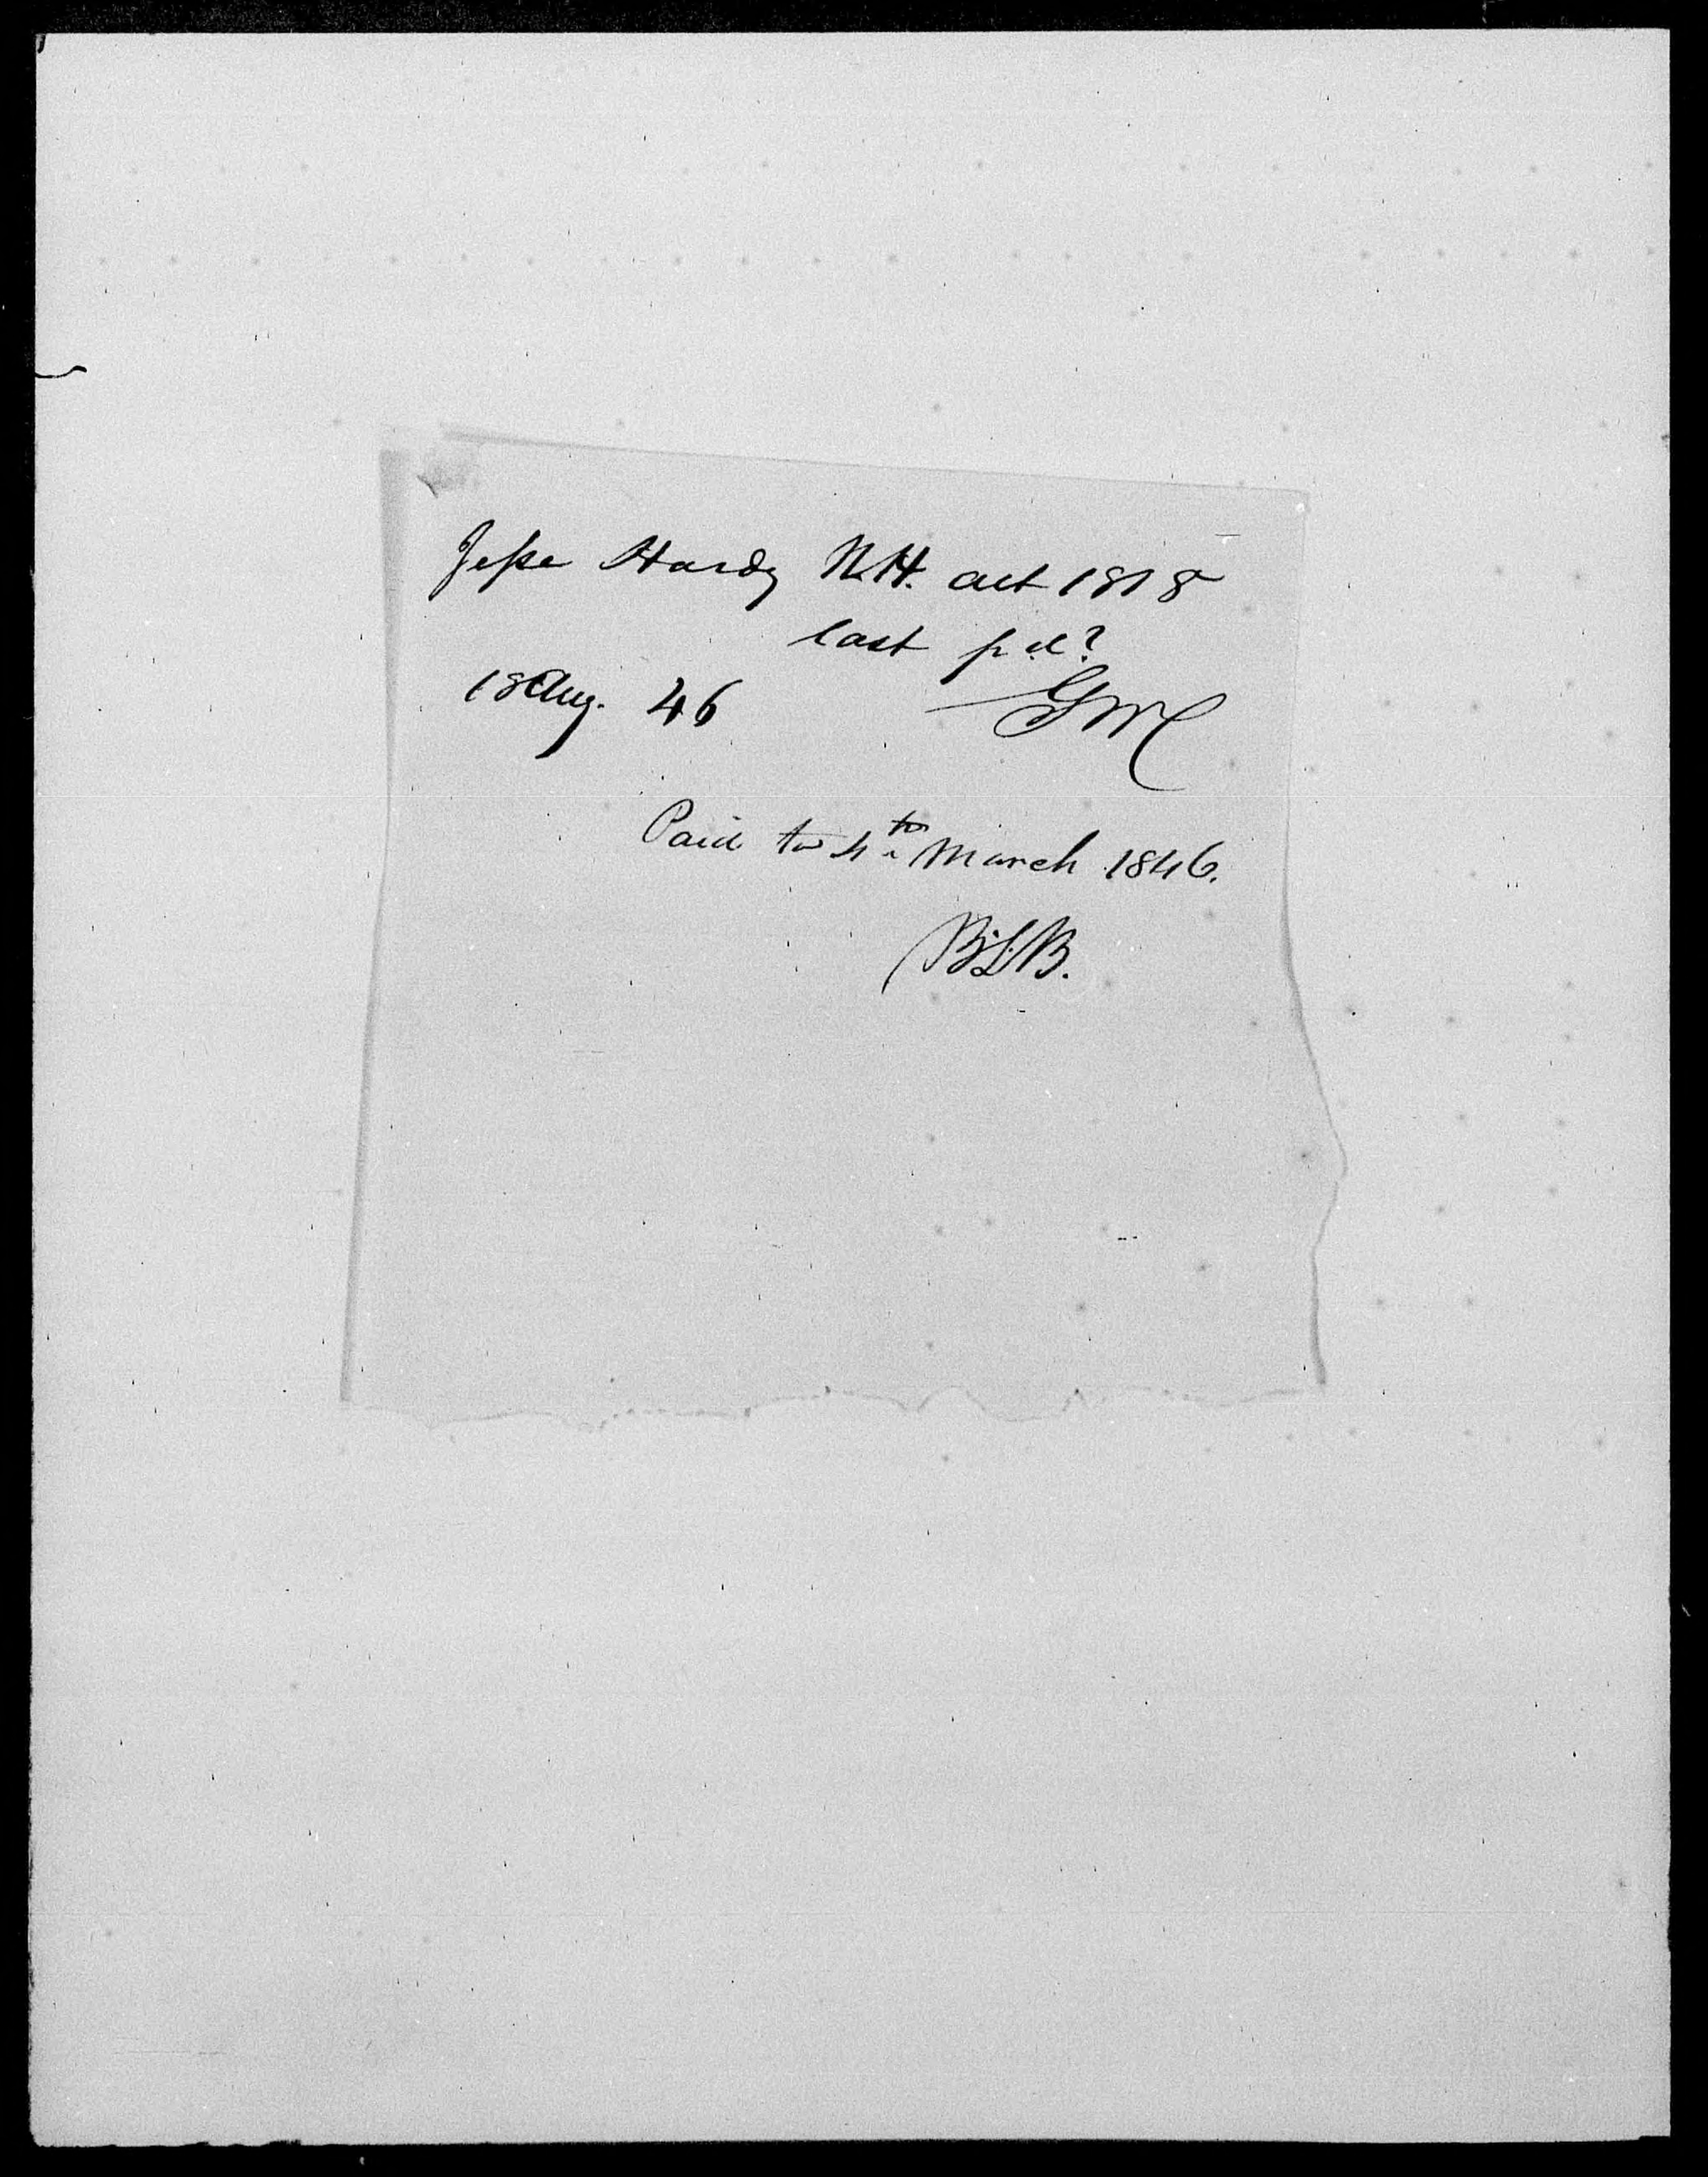Jesse Hardy N.H. act 1818 last file?
1846
GMC
18 Aug 46
Paid to 4th March 1846. B.L.B.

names: Jesse Hardy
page: 65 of 67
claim: widow's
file: W. 23183, Jesse Hardy, Mass.